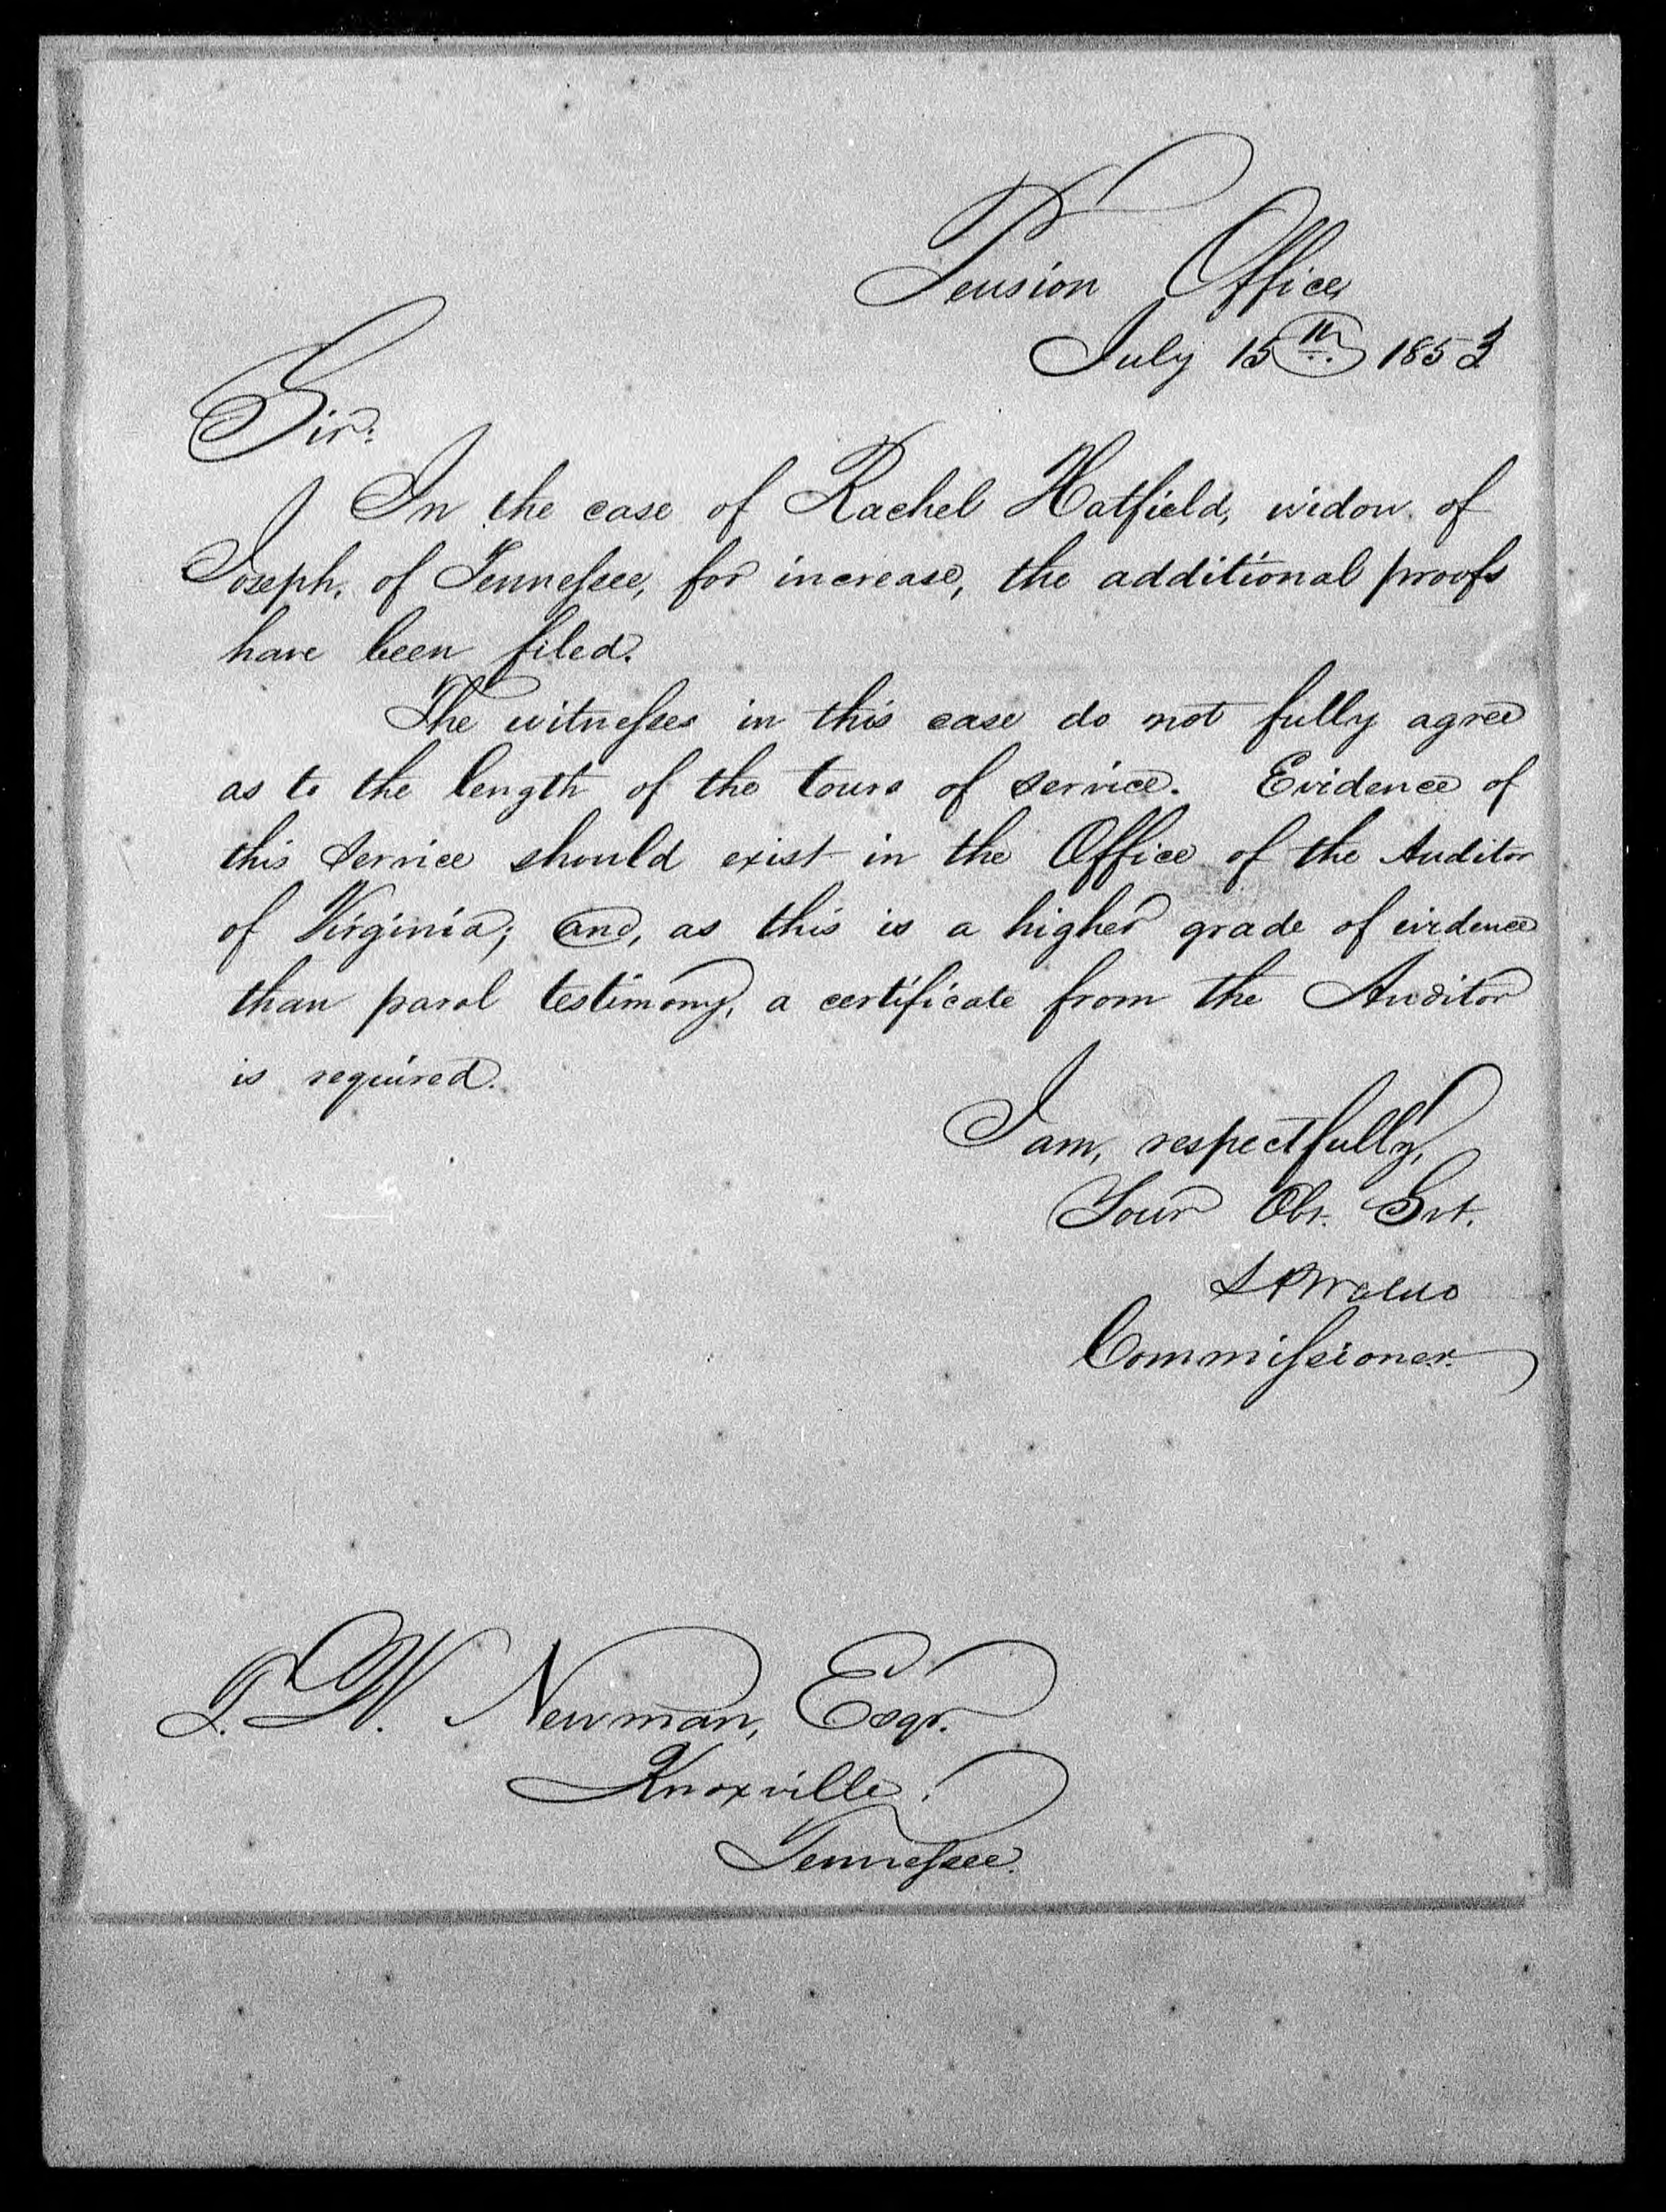Pension Office
July 15th 1853

Sir:
In the case of Rachel Hatfield, widow of Joseph, of Tennessee, for increase, the additional proofs have been filed.
The witnesses in this case do not fully agree as to the length of the tours of service. Evidence of this service should exist in the Office of the Auditor of Virginia, and, as his is a higher grade of evidence than parol testimony, a certificate from the Auditor is required.
I am respectfully, 
Your Obt. Svt.
L P Waldo
Commissioner

T. W. Newman, Esqr.
Knoxville
Tennessee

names: Joseph Hatfield, L P Waldo, T W Newman, Rachel Hatfield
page: 18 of 74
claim: widow's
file: W. 5, Joseph Hatfield, Va.